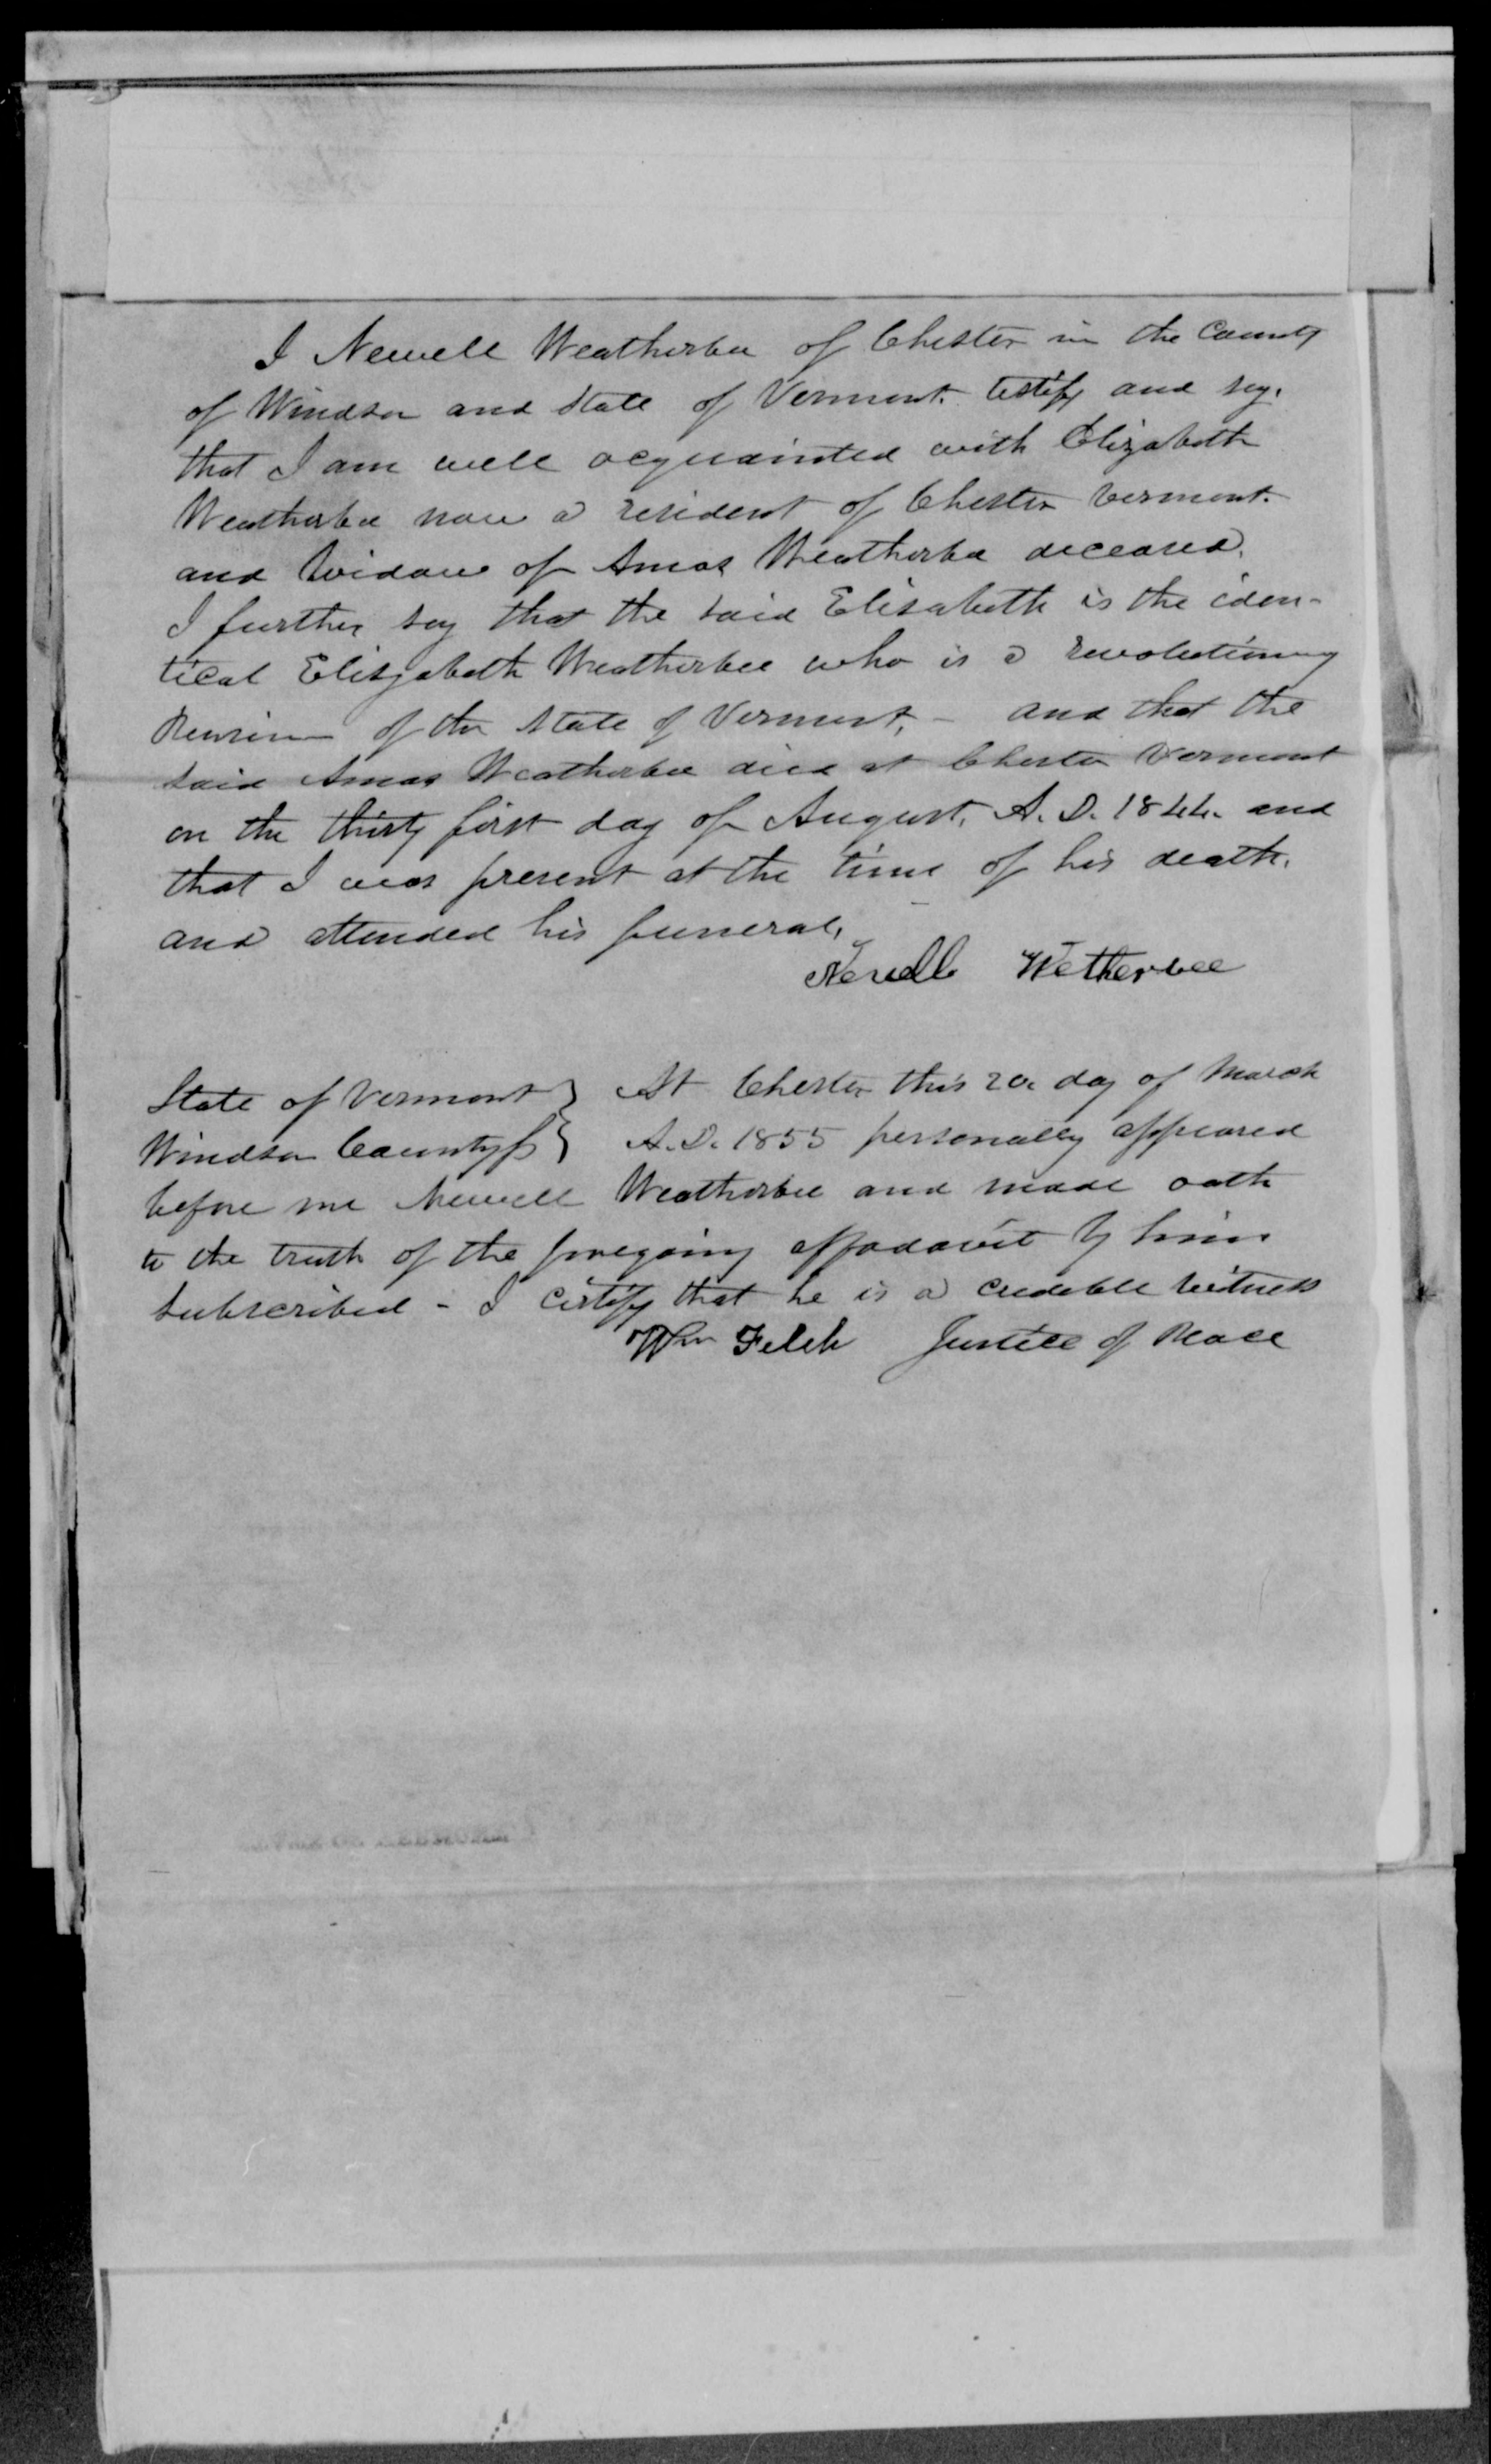I Newell Weatherbee of Chester in the county of Windsor and State of Vermont testify and say that I am well acquainted with Elizabeth Weatherbee now a resident of Chester Vermont, and widow of Amos Weatherbee deceased. I further say that the said Elisabeth is the identical Elizabeth Weatherbee who is a revolutionary pensioner of the State of Vermont, and that the said Amos Weatherbee died at Chester Vermont on the thirty first day of August A. D. 1844 and that I was present at the time of his death and attended his funeral.
Newell Wetherbee

State of Vermont
Windson County ss
At Chester this 20 day of March A. D. 1855 personally appeared before me Newell Weatherbee and made oath to the truth of the foregoing affadavit by him subscribed. I certify that he is a credible witness.
Wm. Felch Justice of Peace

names: Elizabeth Weatherbee, Newell Weatherbee, Wm Felch, Amos Weatherbee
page: 11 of 66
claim: widow's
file: W. 2468, Amos Wetherbee, Mass.